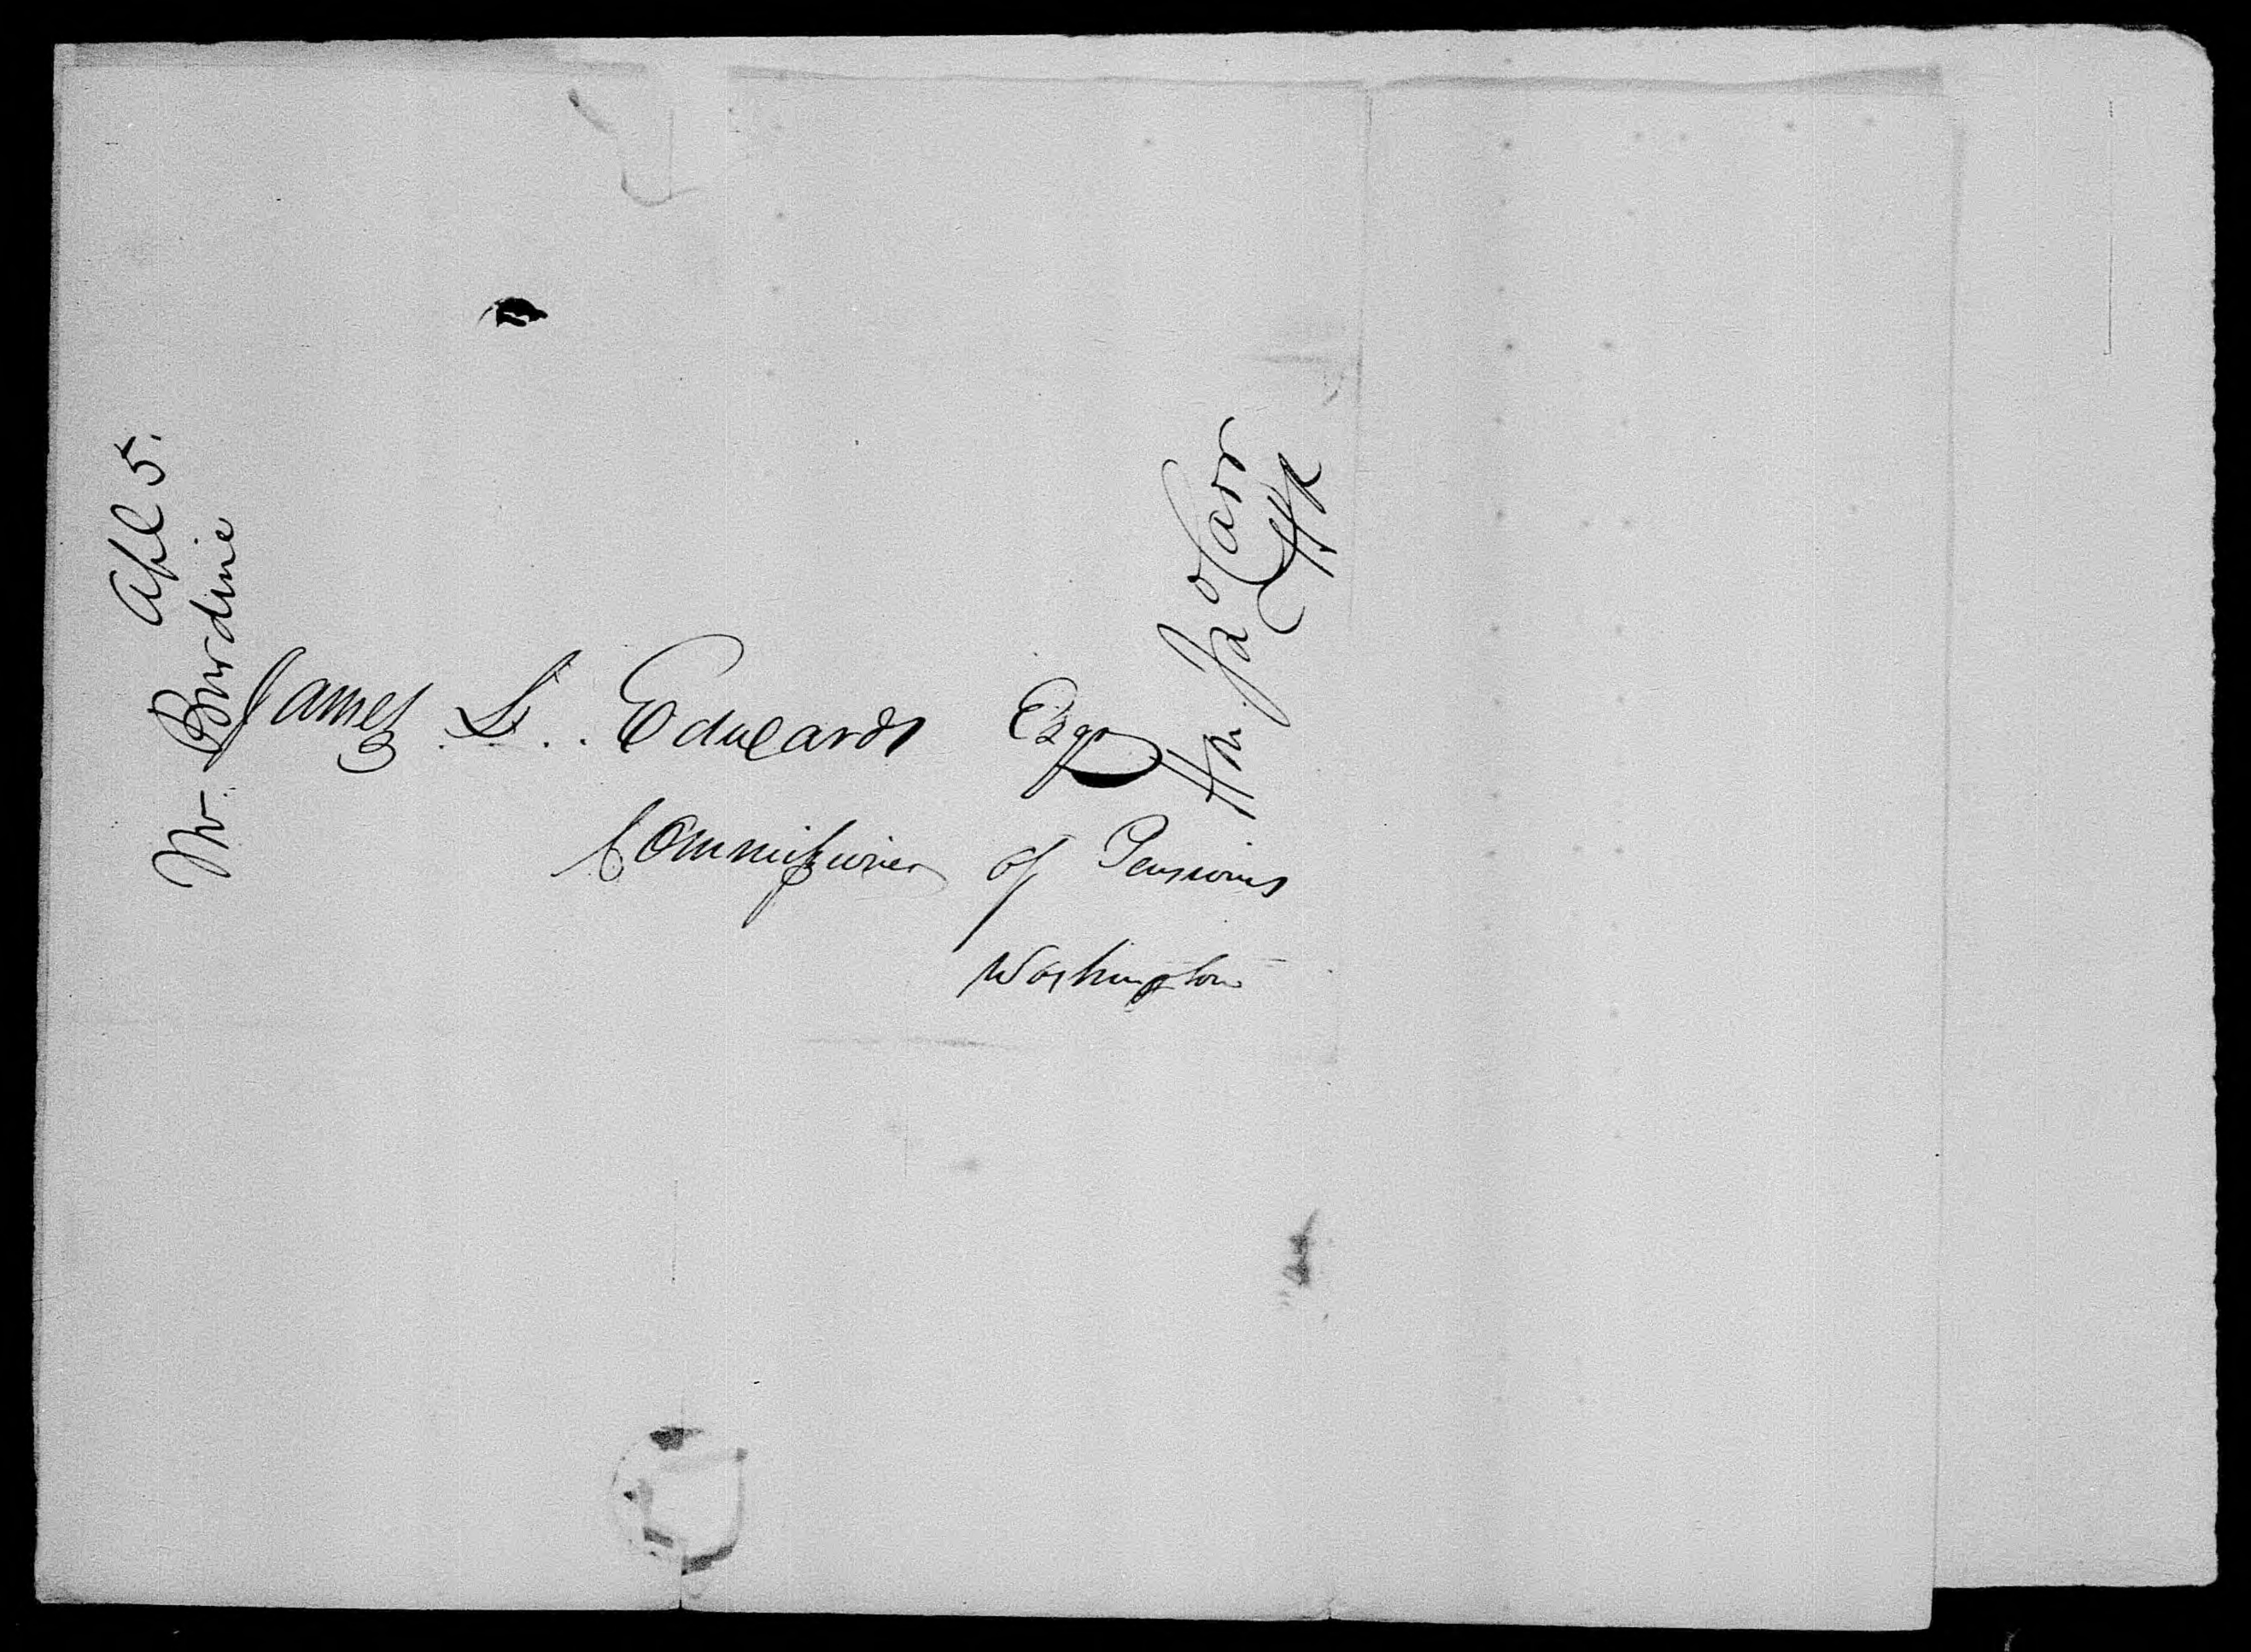Apl 5
Mr Burdine

James S Edwards Esqr
Commissioner of Pensions
Washington

Hn Jao Carr
HR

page: 25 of 56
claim: rejected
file: R 5529, for Samuel Jackson, Virginia